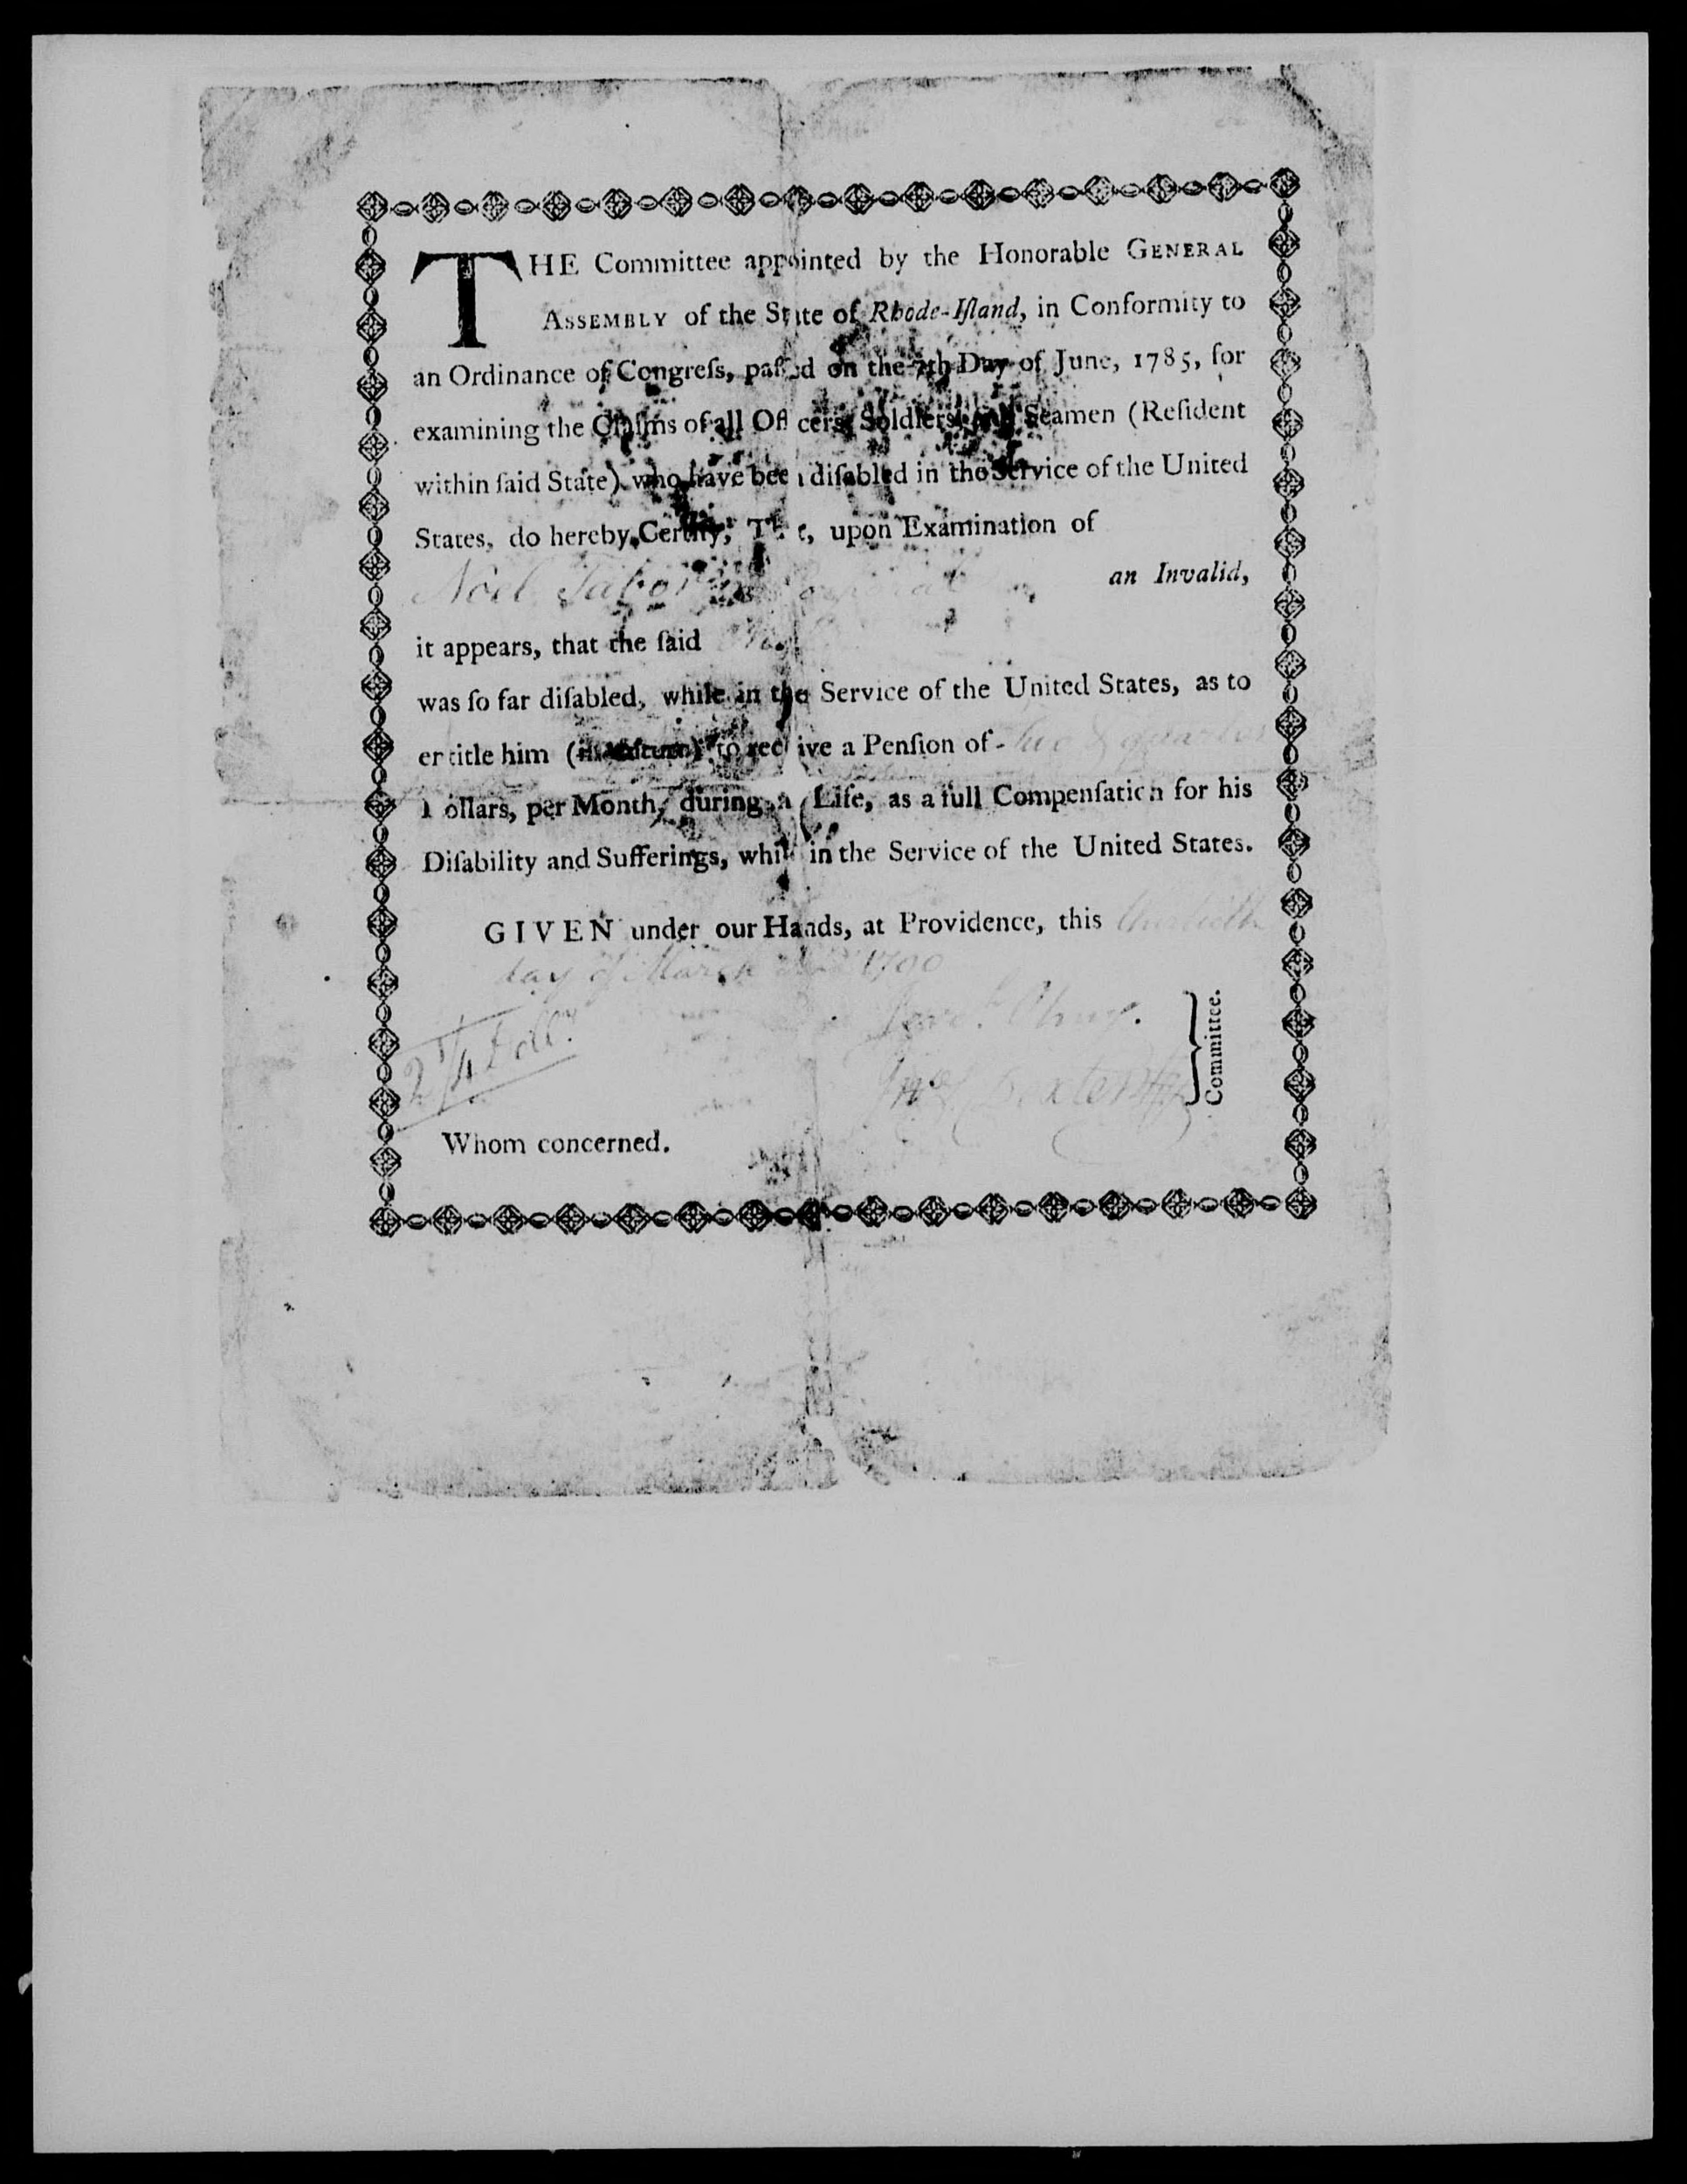The Committee appointed by the Honorable GENERAL
Assembly of the State of Rhode Island, in Conformity to
an Orinance of Congrefs, passed on the 7th Day of June, 1785, for
examining the Claims of all cert Soldiers and Seaman (Refident
within said State) who have been identified in the service of the United 
States, do hereby Certify Thee upon Examination of
Noel Taber [illegible] an Invalid,
it appears, that the said Noel Taber
was so far disabled, while in the Service of the Uniyed States, as to
entitle him [illegible] to recieve a Pension of two &  quarters
Dollars, per Month during a Life, as a full for his
Disability and Suffering, while in the Service of the United States. 
GIVEN under our Hands, at Providence, this thirteenth
day of March [ilegible] 1790
2 1/4 Dollars
Whom concerned.
Committee
[illegible] [illegible]
[illegible] Dexter [illegible]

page: 21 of 22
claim: survivor's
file: S 33777, for Noel Taber, Rhode Island